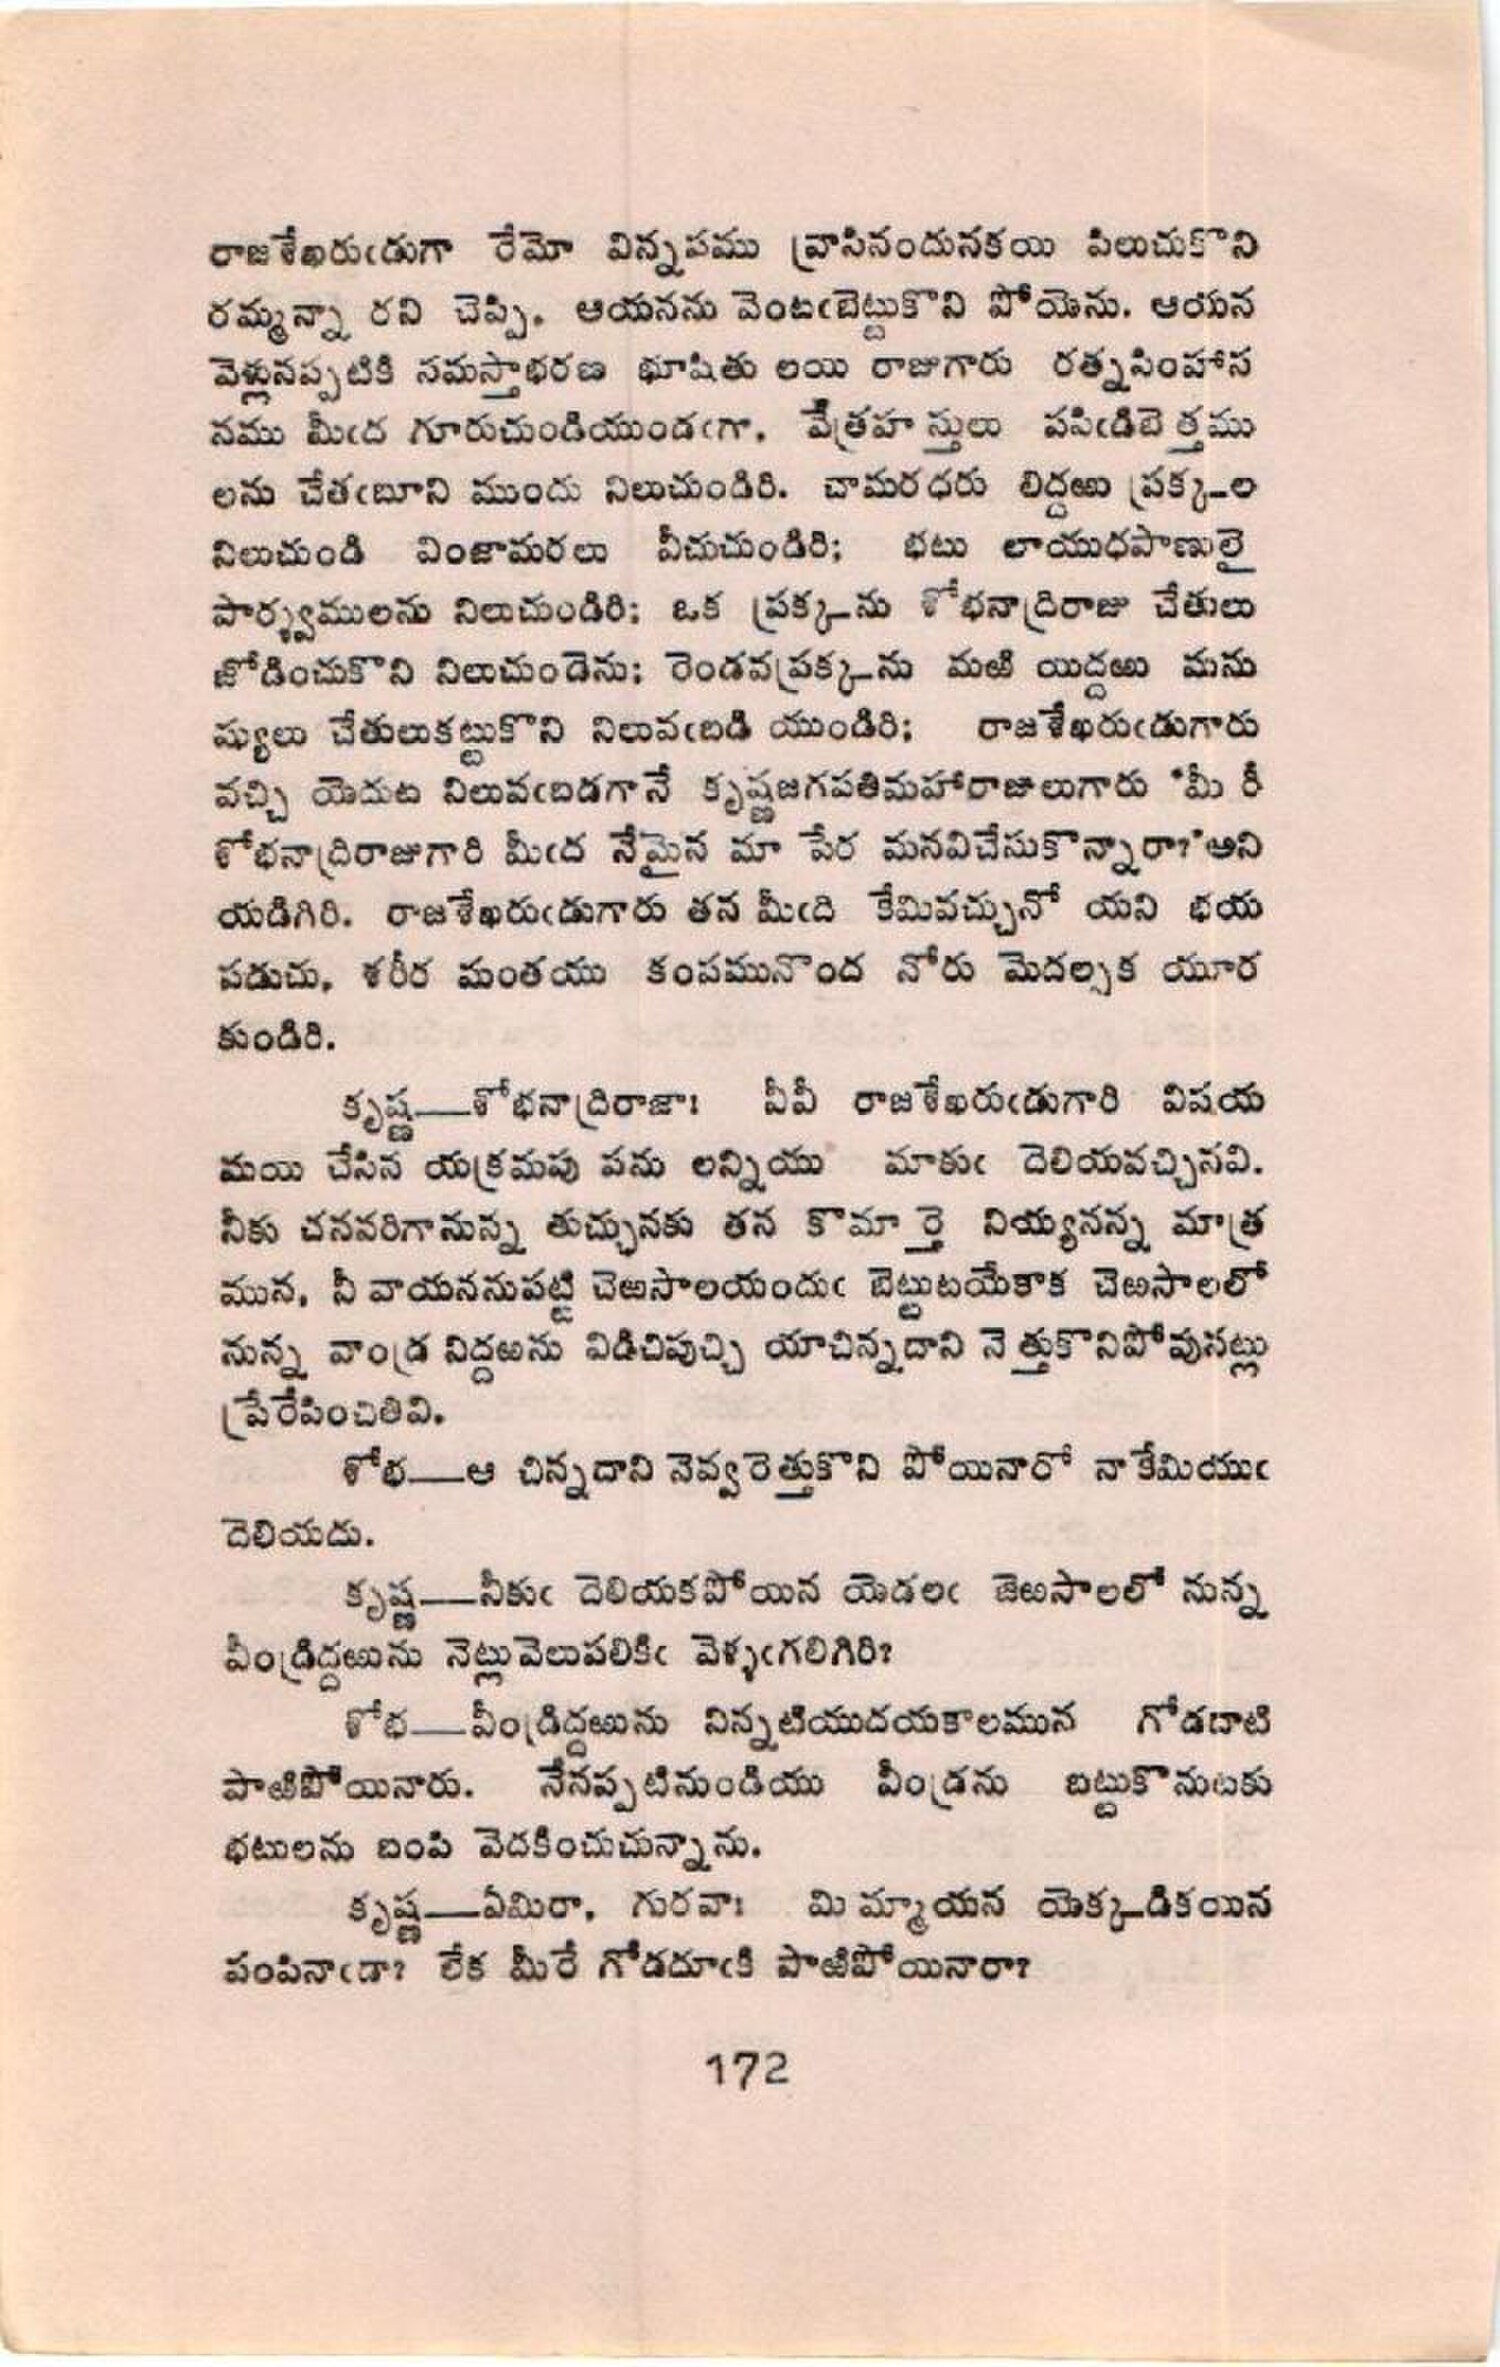రాజశేఖరుఁడుగా రేమో విన్నపము వ్రాసినందునకయి పిలుచుకొని రమ్మన్నారని చెప్పి, ఆయనను వెంటఁబెట్టుకొని పోయెను. ఆయన వెళ్లునప్పటికి సమస్తాభరణ భూషితు లయి రాజుగారు రత్నసింహాసనము మీఁద గూరుచుండియుండగా, నేత్రహస్తులు పసిఁడిబెత్తములను చేతఁబూని ముందు నిలుచుండిరి. చామరధరు లిద్దఱు ప్రక్కల నిలుచుండి వింజామరలు వీచుచుండిరి; భటు లాయుధపాణులై పార్శ్వములను నిలుచుండిరి; ఒక ప్రక్కను శోభనాద్రిరాజు చేతులు జోడించుకొని నిలుచుండెను; రెండవప్రక్కను మఱి యిద్దఱు మనుష్యులు చేతులుకట్టుకొని నిలువఁబడి యుండిరి; రాజశేఖరుఁడుగారు వచ్చి యెదుట నిలువఁబడగానే కృష్ణజగపతిమహారాజులుగారు "మీ రీ శోభనాద్రిరాజుగారి మీఁద నేమైన మా పేర మనవిచేసుకొన్నారా?"అని యడిగిరి. రాజశేఖరుఁడుగారు తన మీఁది కేమివచ్చునో యని భయ పడుచు, శరీర మంతయు కంపమునొంద నోరు మెదల్చక యూర కుండిరి.

కృష్ణ__శోభనాద్రిరాజా! నీవీ రాజశేఖరుఁడుగారి విషయ మయి చేసిన యక్రమపు పను లన్నియు మాకుఁ దెలియవచ్చినవి. నీకు చనవరిగానున్న
తుచ్ఛునకు తన కొమార్తె నియ్యనన్న మాత్ర మున, నీ వాయనను పట్టి చెఱసాలయందుఁ బెట్టుటయేకాక చెఱసాలలో నున్న వాండ్ర నిద్దఱను విడిచిపుచ్చి యాచిన్నదాని నెత్తుకొనిపోవునట్లు ప్రేరేపించితివి.

శోభ__ఆ చిన్నదాని నెవ్వరెత్తుకొని పోయినారో నాకేమియు దెలియదు.

కృష్ణ__నీకుఁ దెలియకపోయిన యెడలఁ జెఱసాలలో నున్న వీండ్రిద్దఱును నెట్లువెలుపలికిఁ వెళ్ళఁగలిగిరి?

శోభ__వీండ్రిద్దఱును నిన్నటియుదయకాలమున గోడదాటి పాఱిపోయినారు. నేనప్పటినుండియు వీండ్రను బట్టుకొనుటకు భటులను బంపి వెదకించుచున్నాను.

కృష్ణ__ఏమిరా, గురవా! మిమ్మాయన యెక్కడికయిన పంపినాఁడా? లేక మీరే గోడదూకి పాఱికిపోయినారా?